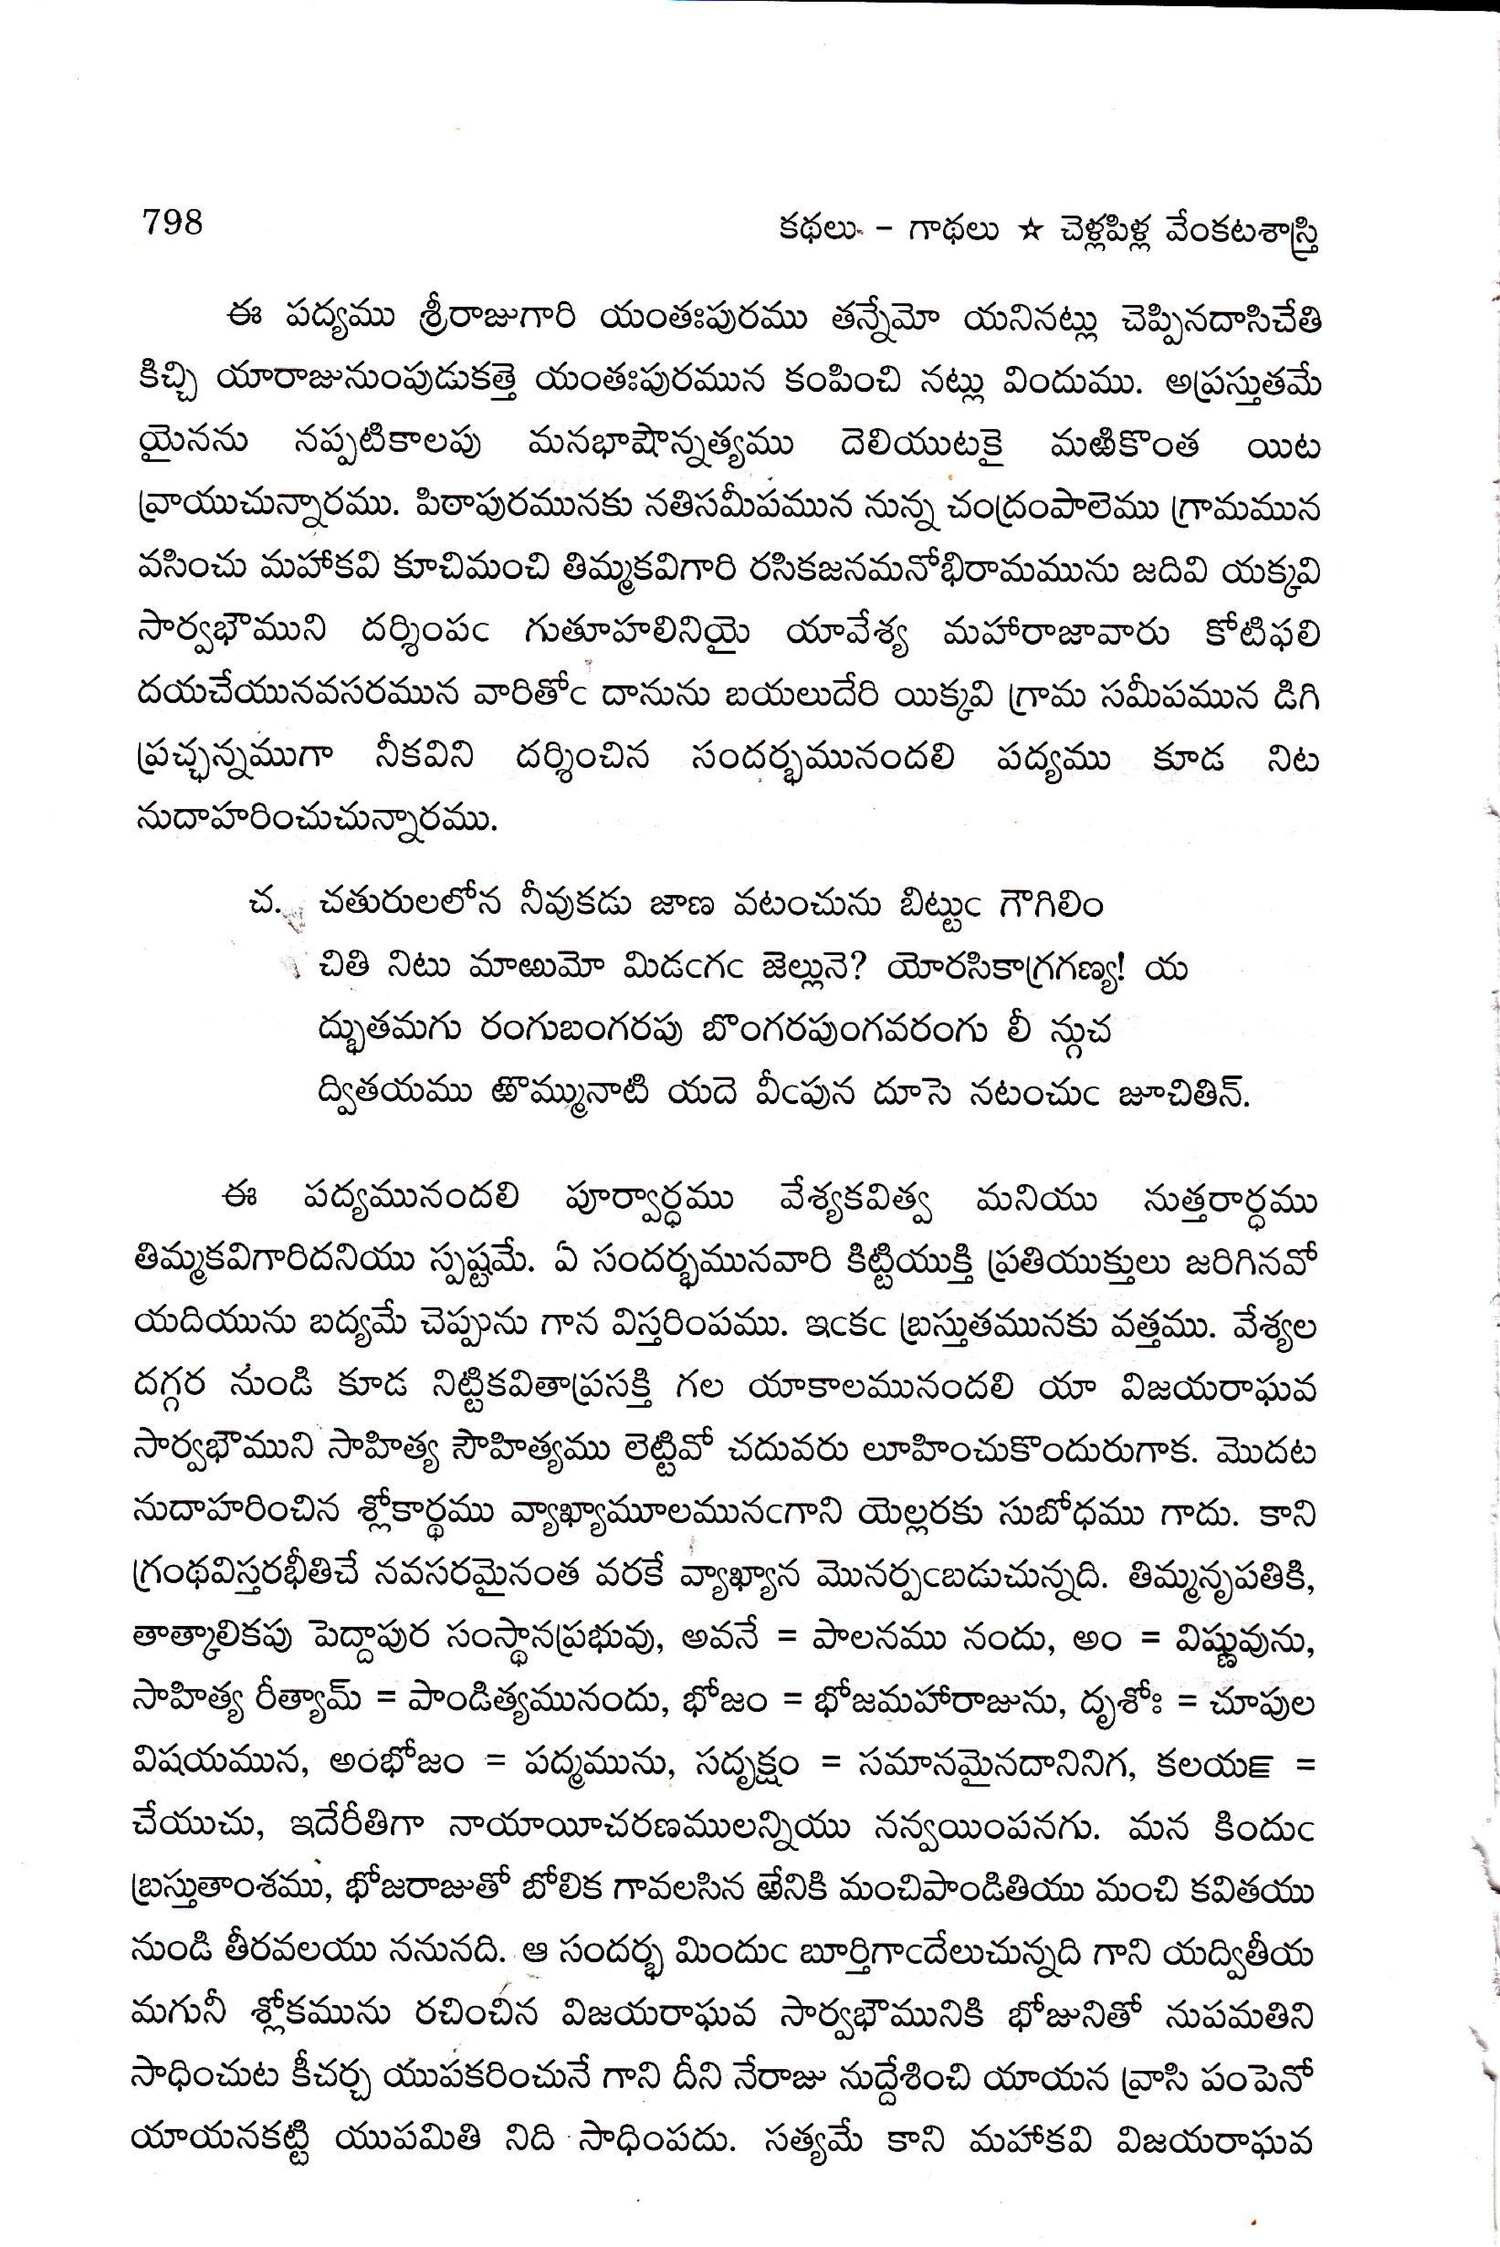ఈ పద్యము శ్రీరాజుగారి యంతఃపురము తన్నేమో యనినట్లు చెప్పినదాసిచేతి కిచ్చి యారాజునుంపుడుకత్తె యంతఃపురమున కంపించి నట్లు విందుము. అప్రస్తుతమే యైనను నప్పటికాలపు మనభాషౌన్నత్యము దెలియుటకై మఱికొంత యిట వ్రాయుచున్నారము. పిఠాపురమునకు నతిసమీపమున నున్న చంద్రంపాలెము గ్రామమున వసించు మహాకవి కూచిమంచి తిమ్మకవిగారి రసికజనమనోభిరామమును జదివి యక్కవి సార్వభౌముని దర్శింపఁ గుతూహలినియై యావేశ్య మహారాజావారు కోటిఫలి దయచేయునవసరమున వారితోఁ దానును బయలుదేరి యిక్కవి గ్రామ సమీపమున డిగి ప్రచ్ఛన్నముగా నీకవిని దర్శించిన సందర్భమునందలి పద్యము కూడ నిట నుదాహరించుచున్నారము. 

చ. చతురులలోన నీవుకడు జాణ వటంచును బిట్టుఁ గౌగిలిం
 చితి నిటు మాఱుమో మిడఁగఁ జెల్లునె? యోరసికాగ్రగణ్య య 
 ద్భుతమగు రంగుబంగరపు బొంగరపుంగవరంగు లీ న్గుచ 
 ద్వితయము ఱొమ్మునాటి యదె వీఁపున దూసె నటంచుఁ జూచితిన్.
ఈ పద్యమునందలి పూర్వార్ధము వేశ్యకవిత్వ మనియు నుత్తరార్ధము తిమ్మకవిగారిదనియు స్పష్టమే. ఏ సందర్భమునవారి కిట్టియుక్తి ప్రతియుక్తులు జరిగినవో యదియును బద్యమే చెప్పును గాన విస్తరింపము. ఇఁకఁ బ్రస్తుతమునకు వత్తము. వేశ్యల దగ్గర నుండి కూడ నిట్టికవితాప్రసక్తి గల యాకాలమునందలి యా విజయరాఘవ సార్వభౌముని సాహిత్య సౌహిత్యము లెట్టివో చదువరు లూహించుకొందురుగాక. మొదట నుదాహరించిన శ్లోకార్థము వ్యాఖ్యామూలమునఁగాని యెల్లరకు సుబోధము గాదు. కాని గ్రంథవిస్తరభీతిచే నవసరమైనంత వరకే వ్యాఖ్యాన మొనర్పఁబడుచున్నది. తిమ్మనృపతికి, తాత్కాలికపు పెద్దాపుర సంస్థానప్రభువు, అవనే = పాలనము నందు, అం = విష్ణువును, సాహిత్య రీత్యామ్ = పాండిత్యమునందు, భోజం = భోజమహారాజును, దృశోః = చూపుల విషయమున, అంభోజం = పద్మమును, సదృక్షం = సమానమైనదానినిగ, కలయ౯ = చేయుచు, ఇదేరీతిగా నాయాయీచరణములన్నియు నన్వయింపనగు. మన కిందుఁ బ్రస్తుతాంశము, భోజరాజుతో బోలిక గావలసిన ఱేనికి మంచిపాండితియు మంచి కవితయు నుండి తీరవలయు ననునది. ఆ సందర్భ మిందుఁ బూర్తిగాఁదేలుచున్నది గాని యద్వితీయ మగునీ శ్లోకమును రచించిన విజయరాఘవ సార్వభౌమునికి భోజునితో నుపమతిని సాధించుట కీచర్చ యుపకరించునే గాని దీని నేరాజు నుద్దేశించి యాయన వ్రాసి పంపెనో యాయనకట్టి యుపమితి నిది సాధింపదు. సత్యమే కాని మహాకవి విజయరాఘవ